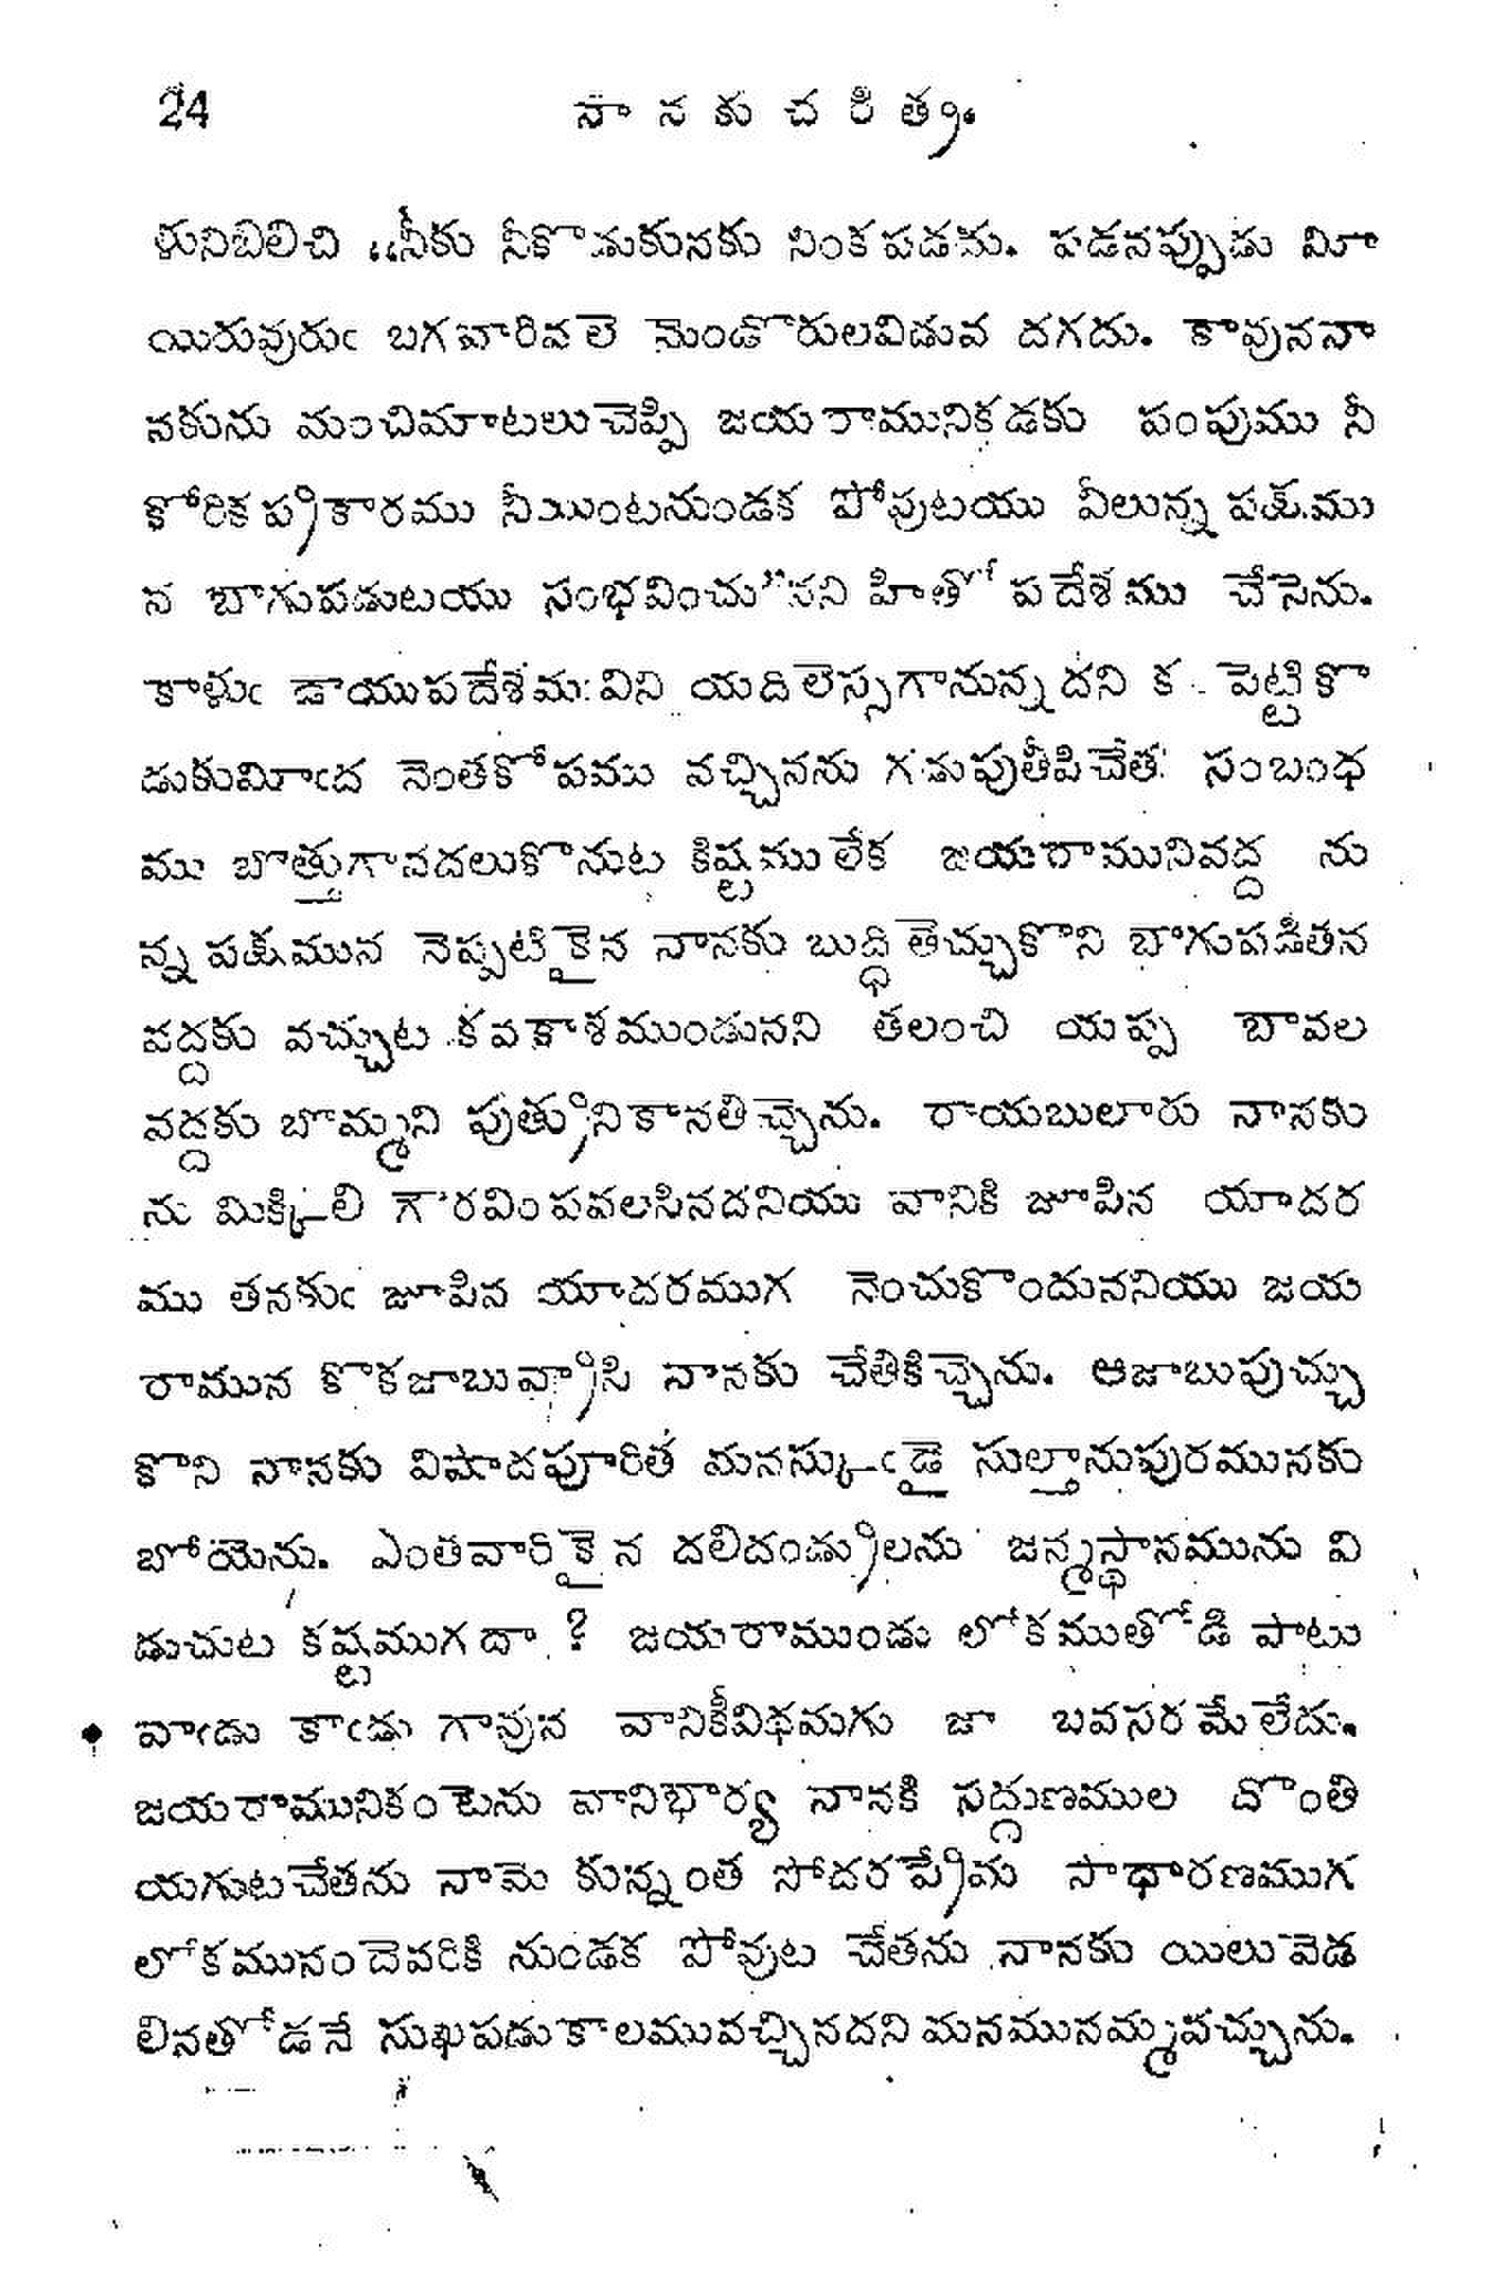ళునిబిలిచి "నీకు నీకొడుకునకు నింకపడదు. పడనప్పుడు మీ యిరువురు బగవారివలె నొండొరులవిడువ దగదు. కావుననానకును మంచిమాటలుచెప్పి జయరామునికడకు పంపుము నీకోరికప్రకారము నీయింటనుండక పోవుటయు వీలున్నపక్షమున బాగుపడుటయు సంభవించు"నని హితోపదేశము చేసెను. కాళు డాయుపదేశమువిని యదిలెస్సగానున్నదని కనిపెట్టికొడుకుమీద నెంతకోపము వచ్చినను గడుపుతీపిచేత సంబంధము బొత్తుగావదలుకొనుట కిష్టములేక జయరామునివద్ద నున్నపక్షమున నెప్పటికైన నానకు బుద్ధితెచ్చుకొని బాగుపడితనవద్దకు వచ్చుట కవకాశముండునని తలంచి యప్ప బావల వద్దకు బొమ్మని పుత్రునికానతిచ్చెను. రాయబులారు నానకును మిక్కిలి గౌరవింపవలసినదనియు వానికి జూపిన యాదరము తనకు జూపిన యాదరముగ నెంచుకొందుననియు జయరామున కొకజాబువ్రాసి నానకు చేతికిచ్చెను. ఆజాబుపుచ్చుకొని నానకు విషాదపూరిత మనస్కుడై సుల్తానుపురమునకు బోయెను. ఎంతవారికైన దలిదండ్రులను జన్మస్థానమును విడుచుట కష్టముగదా? జయరాముండు లోకముతోడి పాటువాడు కాడు గావున వానికీవిథమగు జా బవసరమేలేదు. జయరామునికంటెను వానిభార్య నానకి సద్గుణముల దొంతి యగుటచేతను నామె కున్నంత సోదరప్రేమ సాధారణముగ లోకమునందెవరికి నుండక పోవుట చేతను నానకు యిలువెడలినతోడనే సుఖపడు కాలమువచ్చినదని మనమునమ్మవచ్చును.